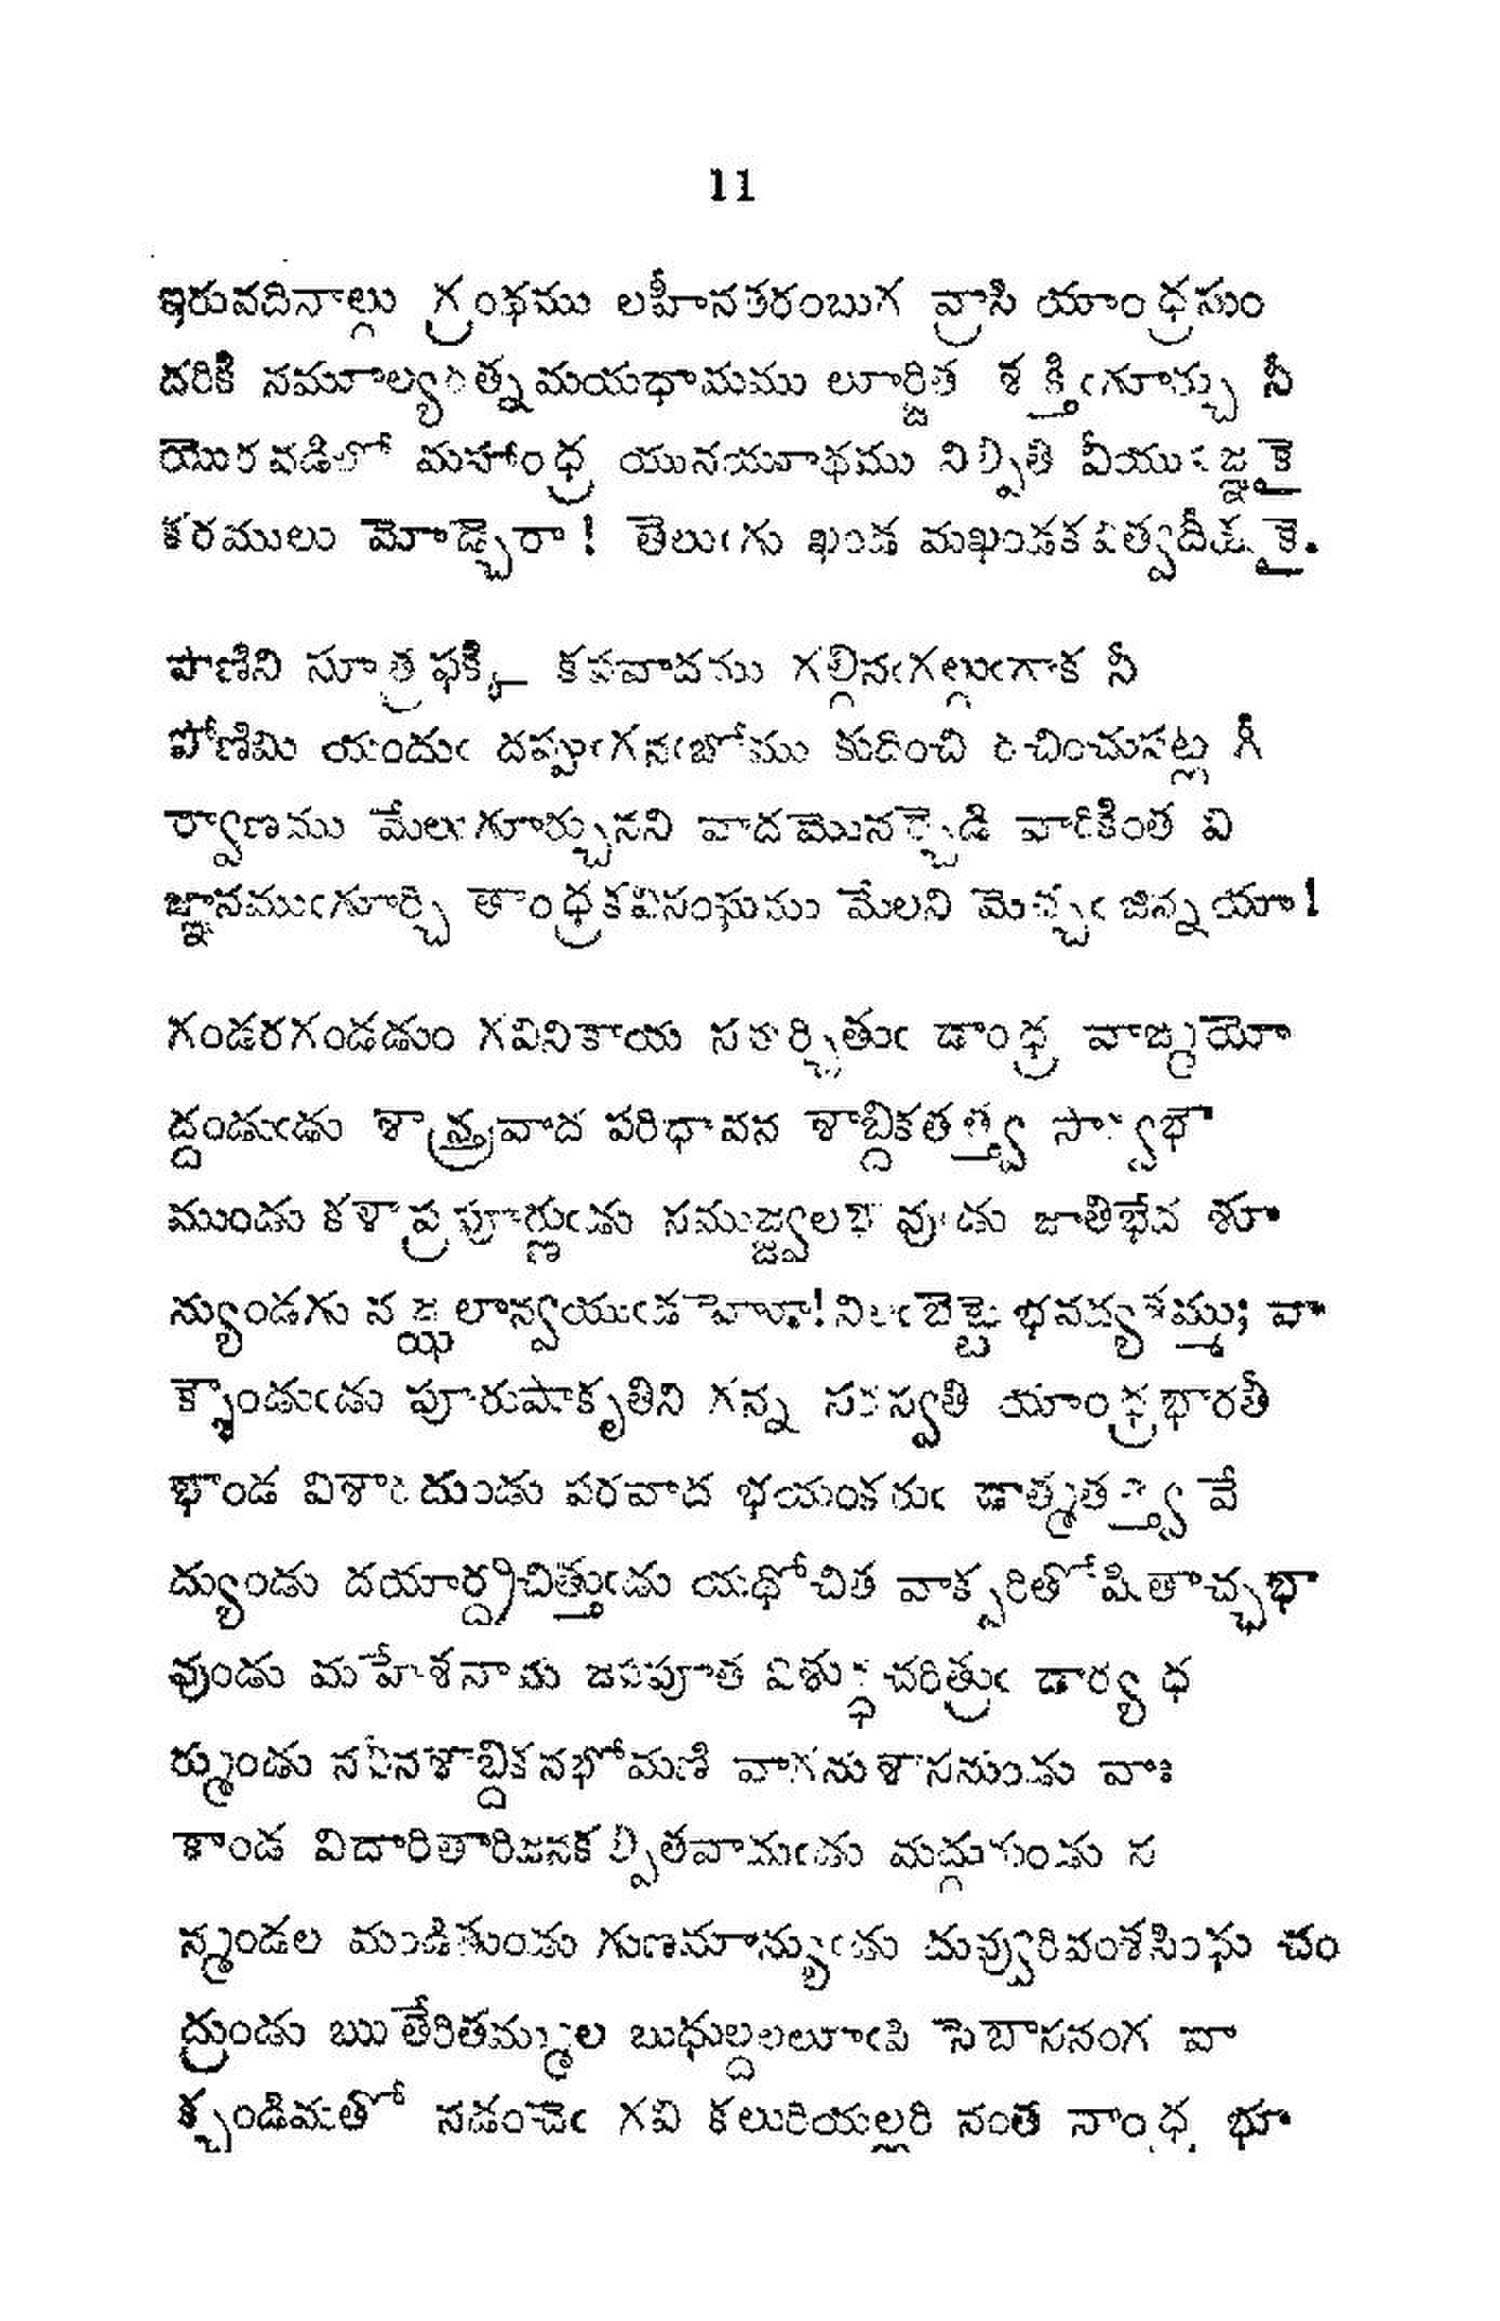ఇరువదినాల్గు గ్రంథము లహీనతరంబుగ వ్రాసి యంధ్రసుం 
దరికి నమూల్యరత్నమయధామము లూర్జిత శక్తిఁగూర్చు నీ
యొరవడిలో మహాంధ్ర యునయూథము నిల్పితి వీయునజ్ఞకై 
కరములు మోడ్చెరా ! తెలుఁగు ఖండ మఖండకవిత్వదీక్షకై. 

పాణిని సూత్రఫక్కి కపవాదము గల్గినఁగల్గుఁగాక నీ 
పోణిమి యందుఁ దప్పుఁగనఁబోము కుదించి రచించుపట్ల గీ
ర్వాణము మేలుగూర్చునని వాదమొనర్చెడి వారికింత వి 
జ్ఞానముఁగూర్చి తాంధ్రకవిసంఘము మేలని మెచ్చఁ జిన్నయా! 

గండరగండడుం గవినికాయ సమర్చితుఁ డాంధ్ర వాఙ్మయో 
ద్దండుఁడు శాస్త్రవాద పరిధావన శాబ్దికతత్త్వ సార్వభౌ 
ముండు కళాప్రపూర్ణుఁడు సముజ్జ్వలభావుడు జూతిభేద శూ 
న్యుండగు నజ్ఘలాన్వయుఁడహో! నిలఁబెట్టి భవద్యశమ్ము; వా 
క్శౌండుఁడు పూరుషాకృతిని గన్న సరస్వతి యాంధ్రభారతీ
భాండ విశారదుండు పరవాద భయంకరుఁ డాత్మతత్త్వ వే 
ద్యుండు దయార్ద్రచిత్తుఁడు యధోచిత వాక్పరితోషితాచ్చభా 
వుండు మహేశనామ జపపూత విశుద్ధచరిత్రుఁ డార్య ధ 
ర్ముండు నటనశాబ్దికనభోమణి వాగనుశాసనుండు వాః 
కాండ విదారితారిజనకల్పితవాదుఁడు మద్దురుండు స 
న్మండల మండితుండు గుణమాన్యుఁడు దువ్వురివంశసింధు చం 
ద్రుండు ఋతేరితమ్ముల బుధుల్దలలూఁపి సెబాసనంగ వా 
క్చండిమతో సడంచెఁ గవి కలురియల్లరి నంత నాంధ్ర భూ